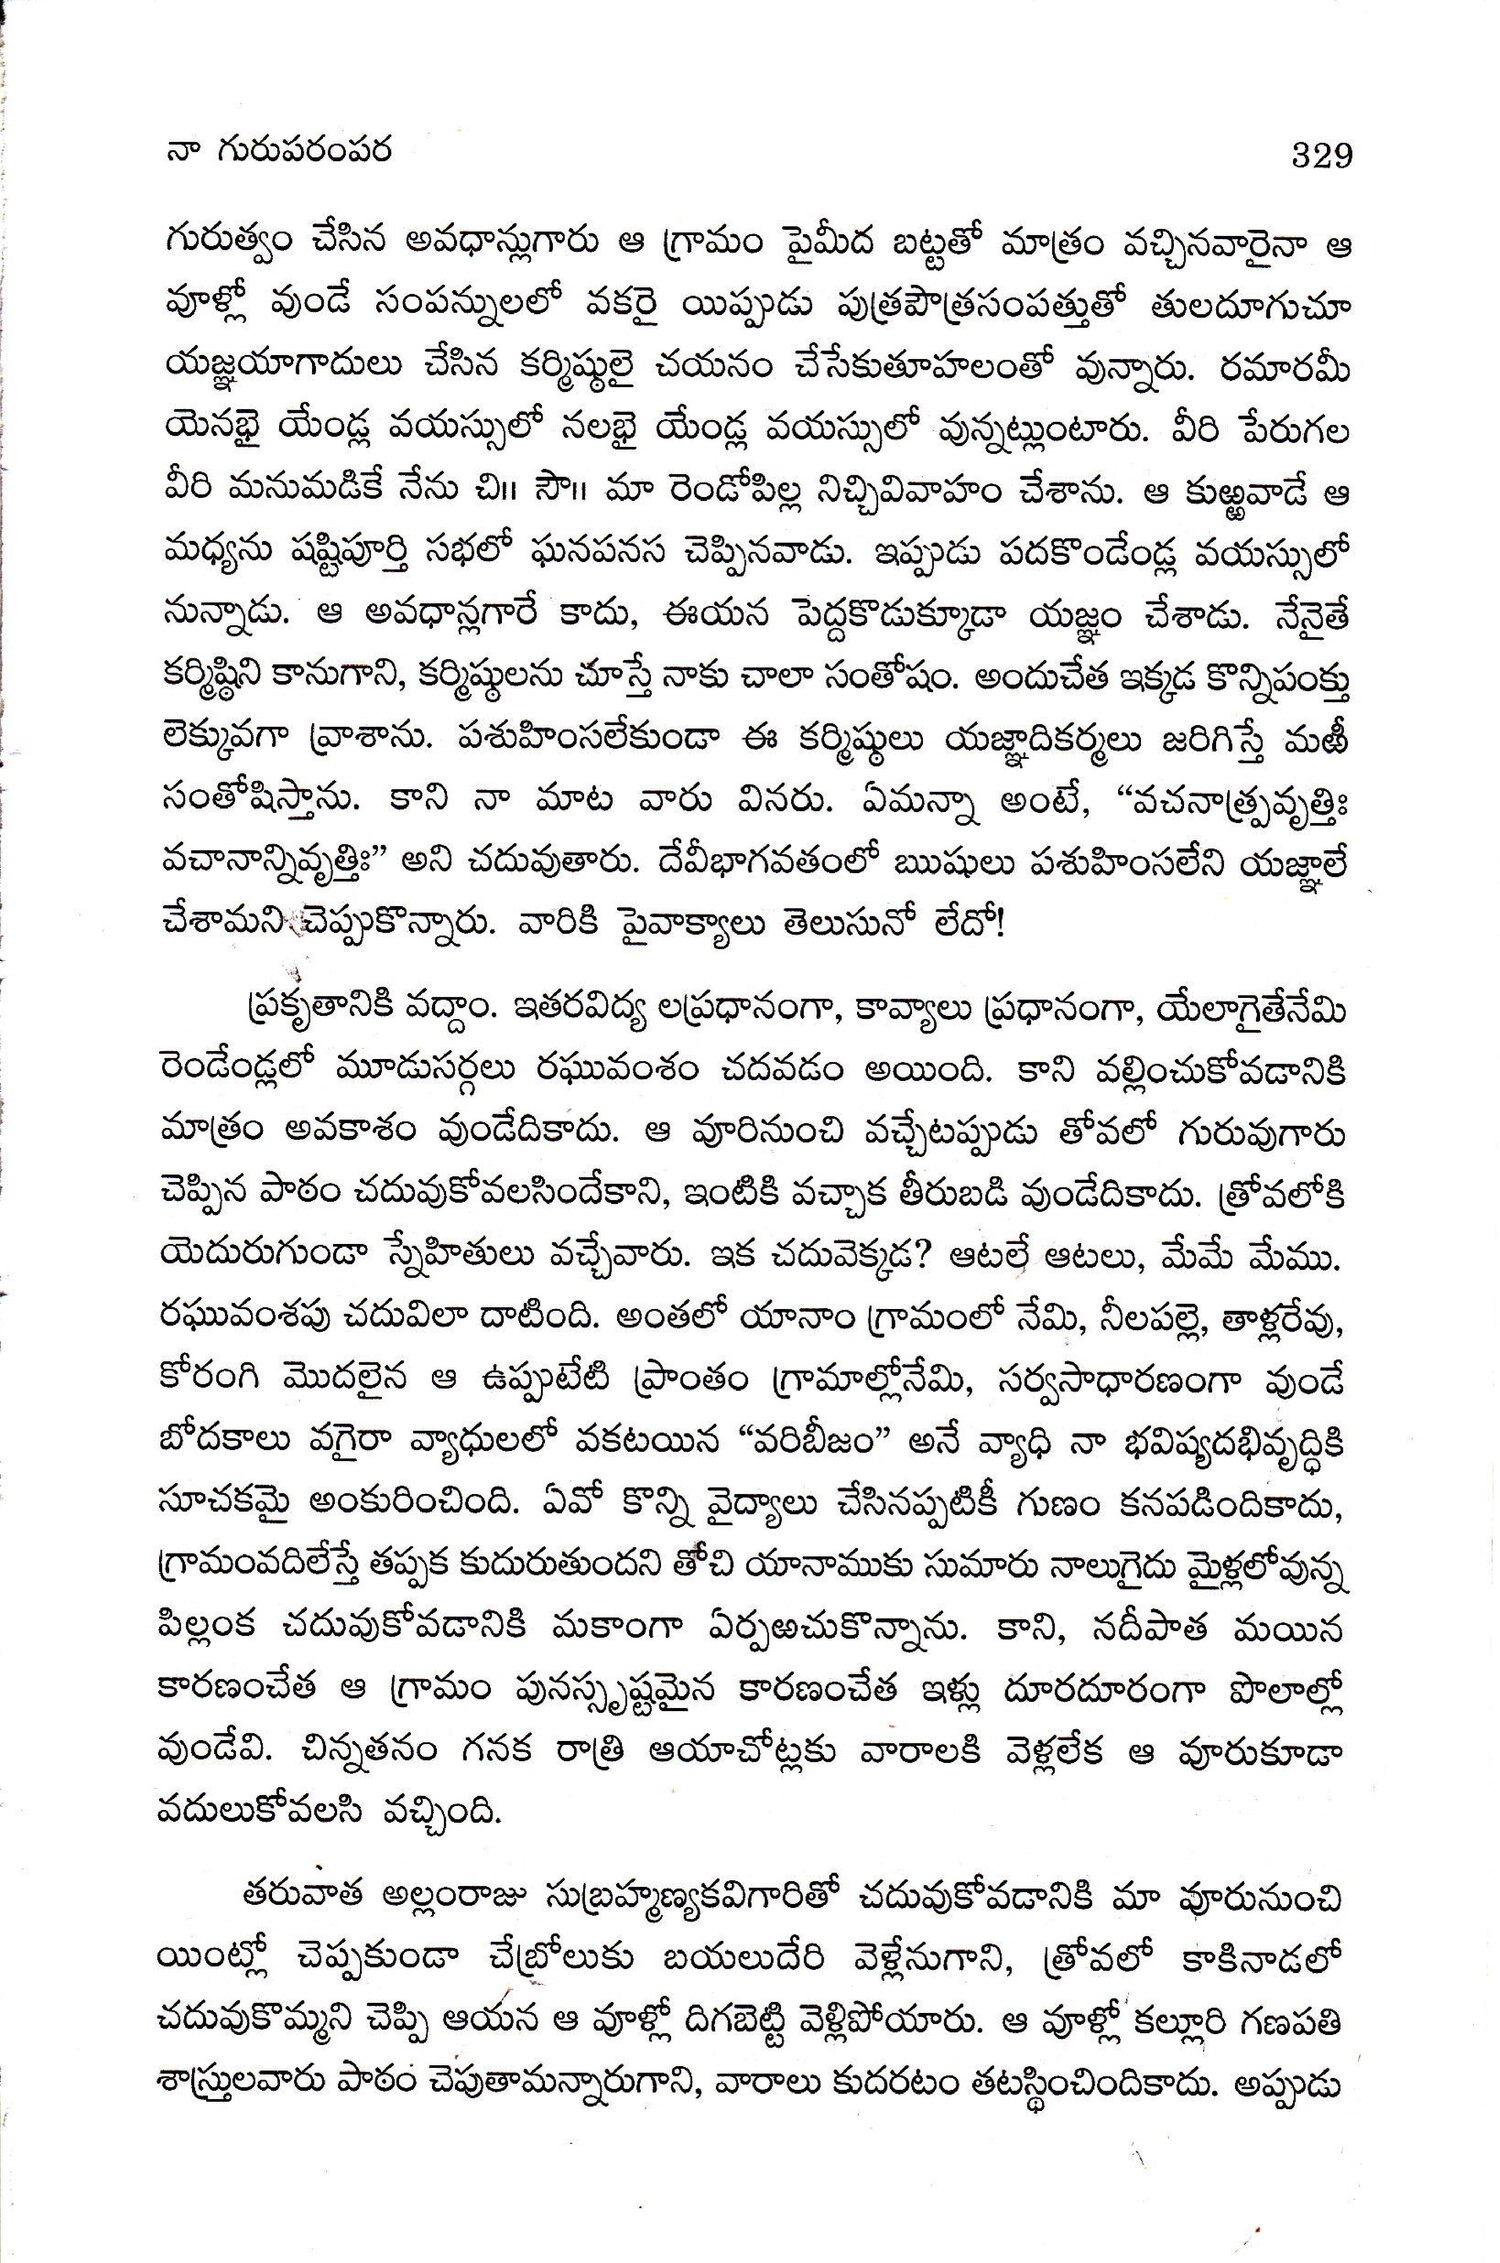గురుత్వం చేసిన అవధాన్లుగారు ఆ గ్రామం పైమీద బట్టతో మాత్రం వచ్చినవారైనా ఆ వూళ్లో వుండే సంపన్నులలో వకరై యిప్పుడు పుత్రపౌత్రసంపత్తుతో తులదూగుచూ యజ్ఞయాగాదులు చేసిన కర్మిష్ఠులై చయనం చేసేకుతూహలంతో వున్నారు. రమారమీ యెనభై యేండ్ల వయస్సులో నలభై యేండ్ల వయస్సులో వున్నట్లుంటారు. వీరి పేరుగల వీరి మనుమడికే నేను చి|| సౌ|| మా రెండోపిల్ల నిచ్చివివాహం చేశాను. ఆ కుఱ్ఱవాడే ఆ మధ్యను షష్టిపూర్తి సభలో ఘనపనస చెప్పినవాడు. ఇప్పుడు పదకొండేండ్ల వయస్సులో నున్నాడు. ఆ అవధాన్లగారే కాదు, ఈయన పెద్దకొడుక్కూడా యజ్ఞం చేశాడు. నేనైతే కర్మిష్ఠిని కానుగాని, కర్మిష్ఠులను చూస్తే నాకు చాలా సంతోషం. అందుచేత ఇక్కడ కొన్నిపంక్తు లెక్కువగా వ్రాశాను. పశుహింసలేకుండా ఈ కర్మిష్ఠులు యజ్ఞాదికర్మలు జరిగిస్తే మఱీ సంతోషిస్తాను. కాని నా మాట వారు వినరు. ఏమన్నా అంటే, “వచనాత్ర్పవృత్తి వచానాన్నివృత్తి" అని చదువుతారు. దేవీభాగవతంలో ఋషులు పశుహింసలేని యజ్ఞాలే - చేశామని చెప్పుకొన్నారు. వారికి పైవాక్యాలు తెలుసునో లేదో!

ప్రకృతానికి వద్దాం. ఇతరవిద్యలప్రధానంగా, కావ్యాలు ప్రధానంగా, యేలాగైతేనేమి రెండేండ్లలో మూడుసర్గలు రఘువంశం చదవడం అయింది. కాని వల్లించుకోవడానికి మాత్రం అవకాశం వుండేదికాదు. ఆ వూరినుంచి వచ్చేటప్పుడు తోవలో గురువుగారు చెప్పిన పాఠం చదువుకోవలసిందేకాని, ఇంటికి వచ్చాక తీరుబడి వుండేదికాదు. త్రోవలోకి యెదురుగుండా స్నేహితులు వచ్చేవారు. ఇక చదువెక్కడ? ఆటలే ఆటలు, మేమే మేము. రఘువంశపు చదువిలా దాటింది. అంతలో యానాం గ్రామంలో నేమి, నీలపల్లె, తాళ్లరేవు, కోరంగి మొదలైన ఆ ఉప్పుటేటి ప్రాంతం గ్రామాల్లోనేమి, సర్వసాధారణంగా వుండే బోదకాలు వగైరా వ్యాధులలో వకటయిన “వరిబీజం” అనే వ్యాధి నా భవిష్యదభివృద్ధికి సూచకమై అంకురించింది. ఏవో కొన్ని వైద్యాలు చేసినప్పటికీ గుణం కనపడిందికాదు, గ్రామంవదిలేస్తే తప్పక కుదురుతుందని తోచి యానాముకు సుమారు నాలుగైదు మైళ్లలోవున్న పిల్లంక చదువుకోవడానికి మకాంగా ఏర్పఱచుకొన్నాను. కాని, నదీపాత మయిన కారణంచేత ఆ గ్రామం పునస్సృష్టమైన కారణంచేత ఇళ్లు దూరదూరంగా పొలాల్లో వుండేవి. చిన్నతనం గనక రాత్రి ఆయాచోట్లకు వారాలకి వెళ్లలేక ఆ వూరుకూడా వదులుకోవలసి వచ్చింది.

తరువాత అల్లంరాజు సుబ్రహ్మణ్యకవిగారితో చదువుకోవడానికి మా వూరునుంచి యింట్లో చెప్పకుండా చేబ్రోలుకు బయలుదేరి వెళ్లేనుగాని, త్రోవలో కాకినాడలో చదువుకొమ్మని చెప్పి ఆయన ఆ వూళ్లో దిగబెట్టి వెళ్లిపోయారు. ఆ వూళ్లో కల్లూరి గణపతి శాస్త్రులవారు పాఠం చెపుతామన్నారుగాని, వారాలు కుదరటం తటస్థించిందికాదు. అప్పుడు